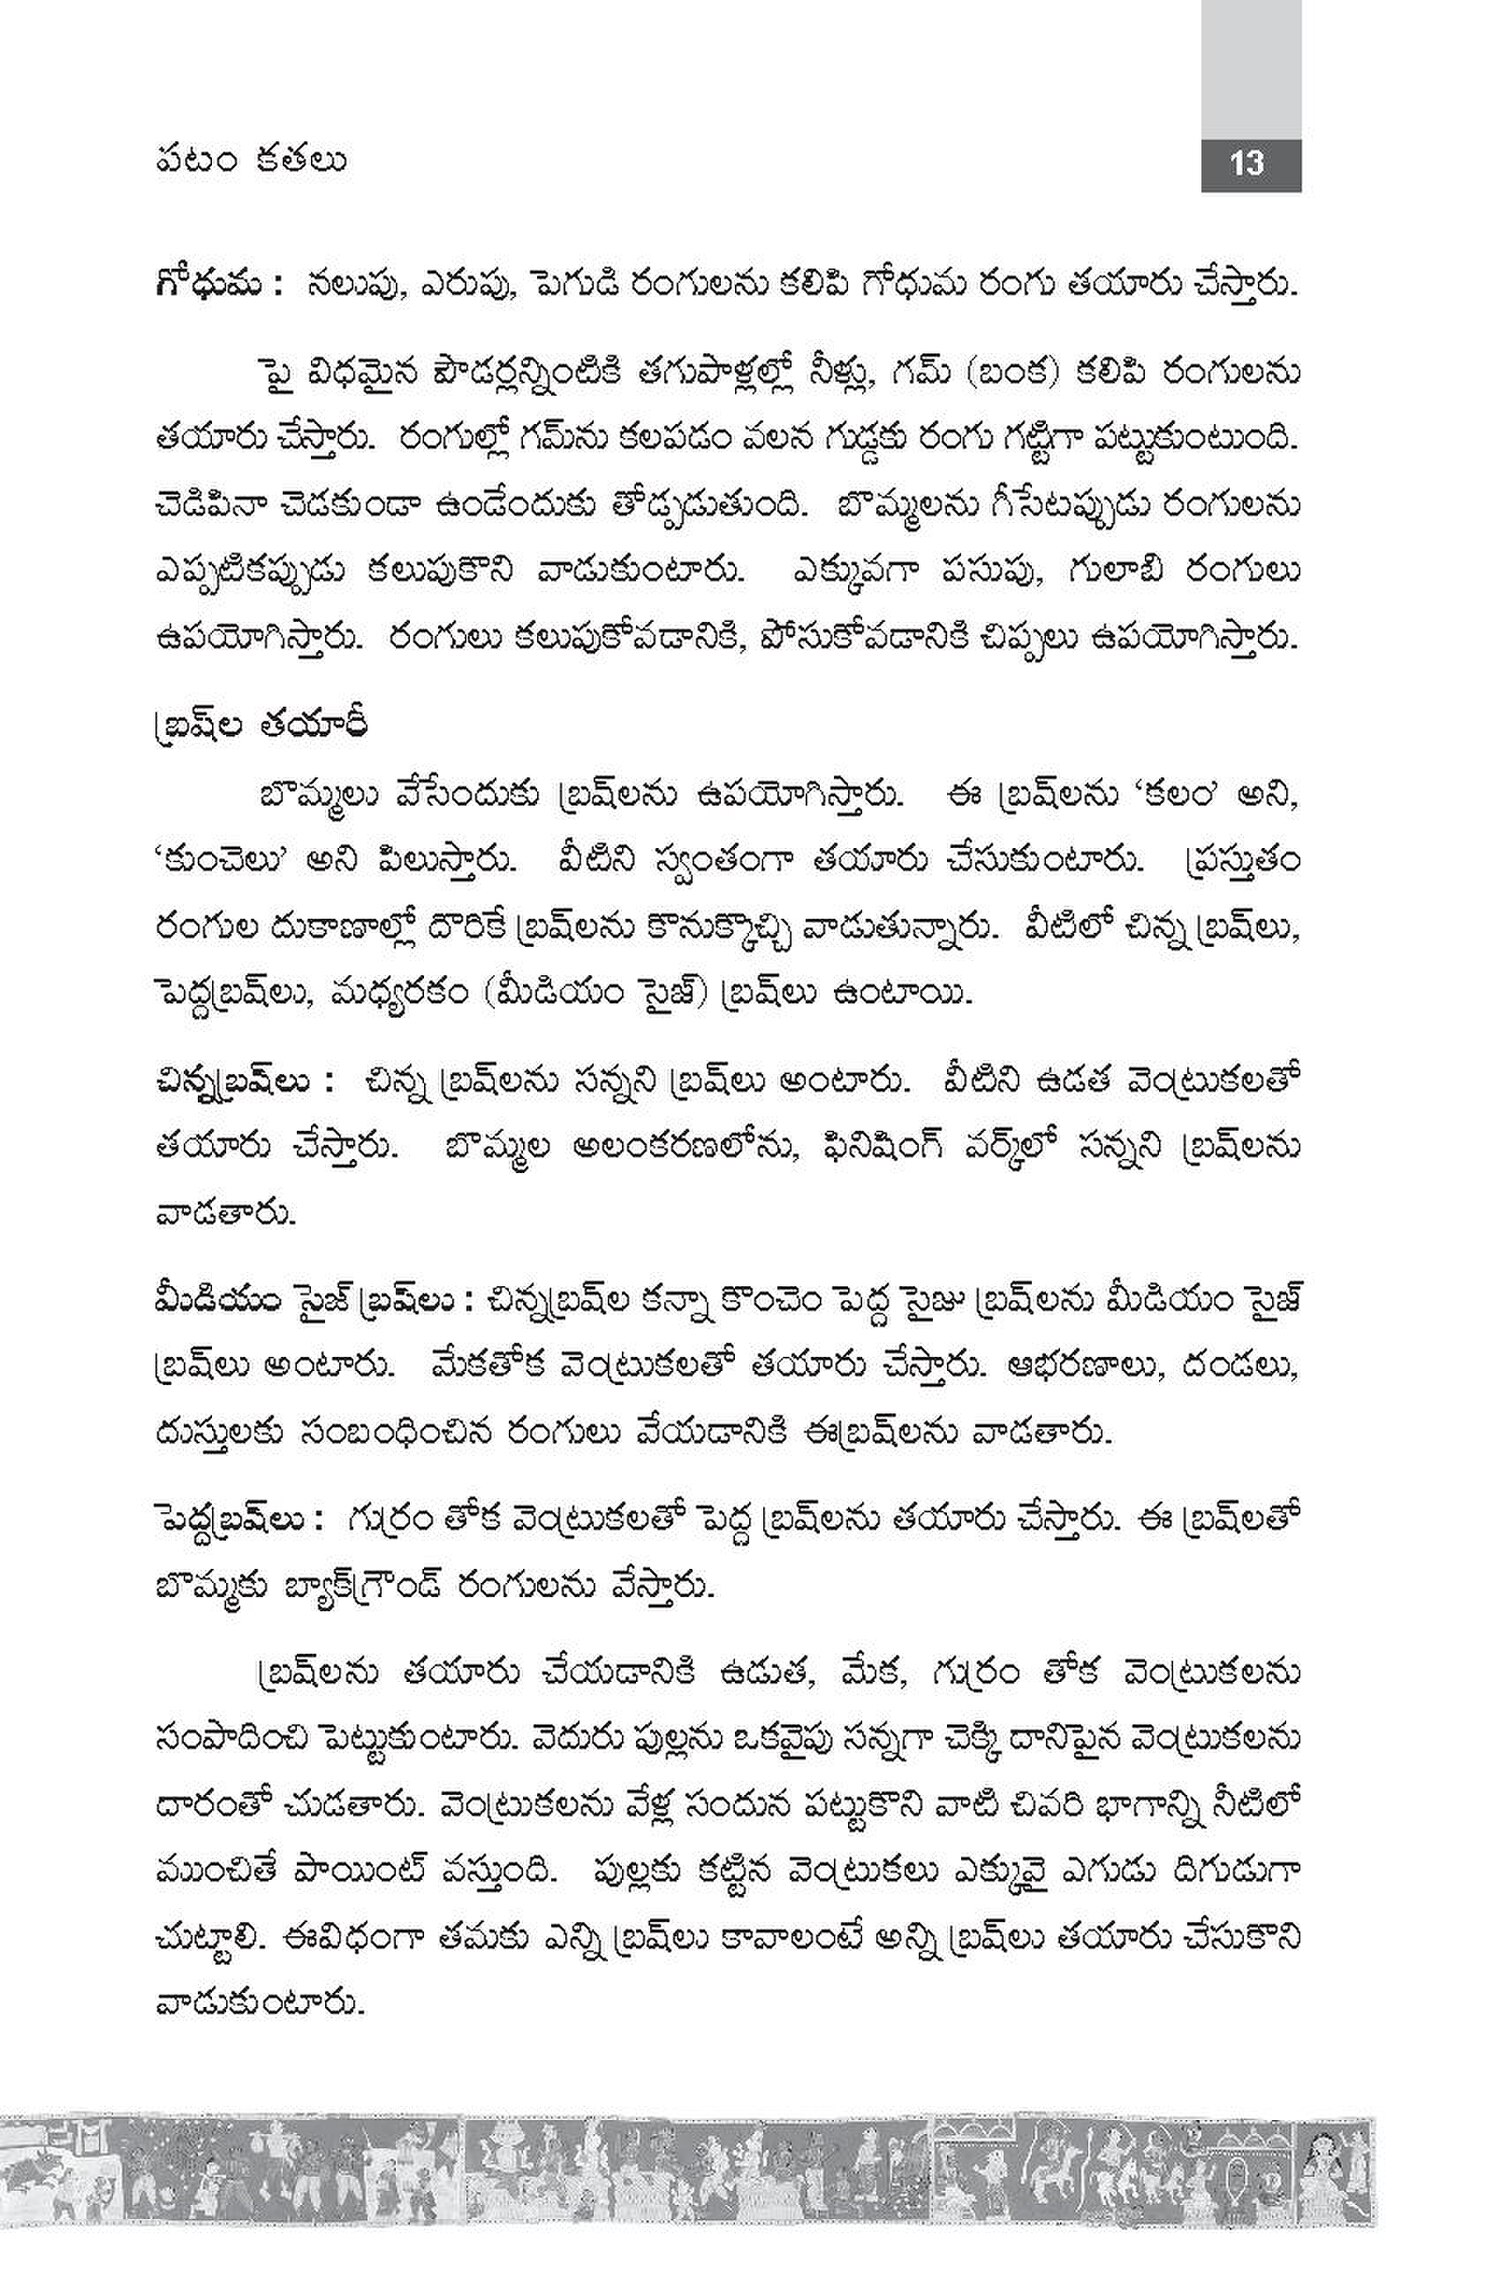గోధుమ : నలుపు, ఎరుపు, పెగుడి రంగులను కలిపి గోధుమ రంగు తయారు చేస్తారు.

పై విధమైన పౌడర్లన్నింటికి తగుపాళ్లల్లో నీళ్లు, గమ్ (బంక) కలిపి రంగులను తయారు చేస్తారు. రంగుల్లో గమ్ ను కలపడం వలన గుడ్డకు రంగు గట్టిగా పట్టుకుంటుంది. చెడిపినా చెడకుండా ఉండేందుకు తోడ్పడుతుంది. బొమ్మలను గీసేటప్పుడు రంగులను ఎప్పటికప్పుడు కలుపుకొని వాడుకుంటారు. ఎక్కువగా పసుపు, గులాబి రంగులు ఉపయోగిస్తారు. రంగులు కలుపుకోవడానికి, పోసుకోవడానికి చిప్పలు ఉపయోగిస్తారు.

బ్రష్ ల తయారీ 

బొమ్మలు వేసేందుకు బ్రష్ లను ఉపయోగిస్తారు. ఈ బ్రష్లను 'కలం' అని, 'కుంచెలు' అని పిలుస్తారు. వీటిని స్వంతంగా తయారు చేసుకుంటారు. ప్రస్తుతం రంగుల దుకాణాల్లో దొరికే బ్రష్లను కొనుక్కొచ్చి వాడుతున్నారు. వీటిలో చిన్న బ్రష్ లు, పెద్దబ్రష్ లు, మధ్యరకం (మీడియం సైజ్) బ్రష్లు ఉంటాయి.

చిన్నబ్రష్ లు : చిన్న బ్రష్లను సన్నని బ్రష్లు అంటారు. వీటిని ఉడత వెంట్రుకలతో తయారు చేస్తారు. బొమ్మల అలంకరణలోను, ఫినిషింగ్ వర్డ్లో సన్నని బ్రష్లను వాడతారు.

మీడియం సైజ్ బ్రష్లు : చిన్నబ్రష్ కన్నా కొంచెం పెద్ద సైజు బ్రష్ ను మీడియం సైజ్ బ్రష్లు అంటారు. మేకతోక వెంట్రుకలతో తయారు చేస్తారు. ఆభరణాలు, దండలు, దుస్తులకు సంబంధించిన రంగులు వేయడానికి ఈబ్రష్లను వాడతారు.

పెద్ద బ్రష్ లు: గుర్రం తోక వెంట్రుకలతో పెద్ద బ్రష్లను తయారు చేస్తారు. ఈ బ్రష్ తో బొమ్మకు బ్యాక్ గ్రౌండ్ రంగులను వేస్తారు.

బ్రష్లను తయారు చేయడానికి ఉడుత, మేక, గుర్రం తోక వెంట్రుకలను సంపాదించి పెట్టుకుంటారు. వెదురు పుల్లను ఒకవైపు సన్నగా చెక్కి దానిపైన వెంట్రుకలను దారంతో చుడతారు. వెంట్రుకలను వేళ్ల సందున పట్టుకొని వాటి చివరి భాగాన్ని నీటిలో ముంచితే పాయింట్ వస్తుంది. పుల్లకు కట్టిన వెంట్రుకలు ఎక్కువై ఎగుడు దిగుడుగా చుట్టాలి. ఈవిధంగా తమకు ఎన్ని బ్రష్లు కావాలంటే అన్ని బ్రష్లు తయారు చేసుకొని వాడుకుంటారు.